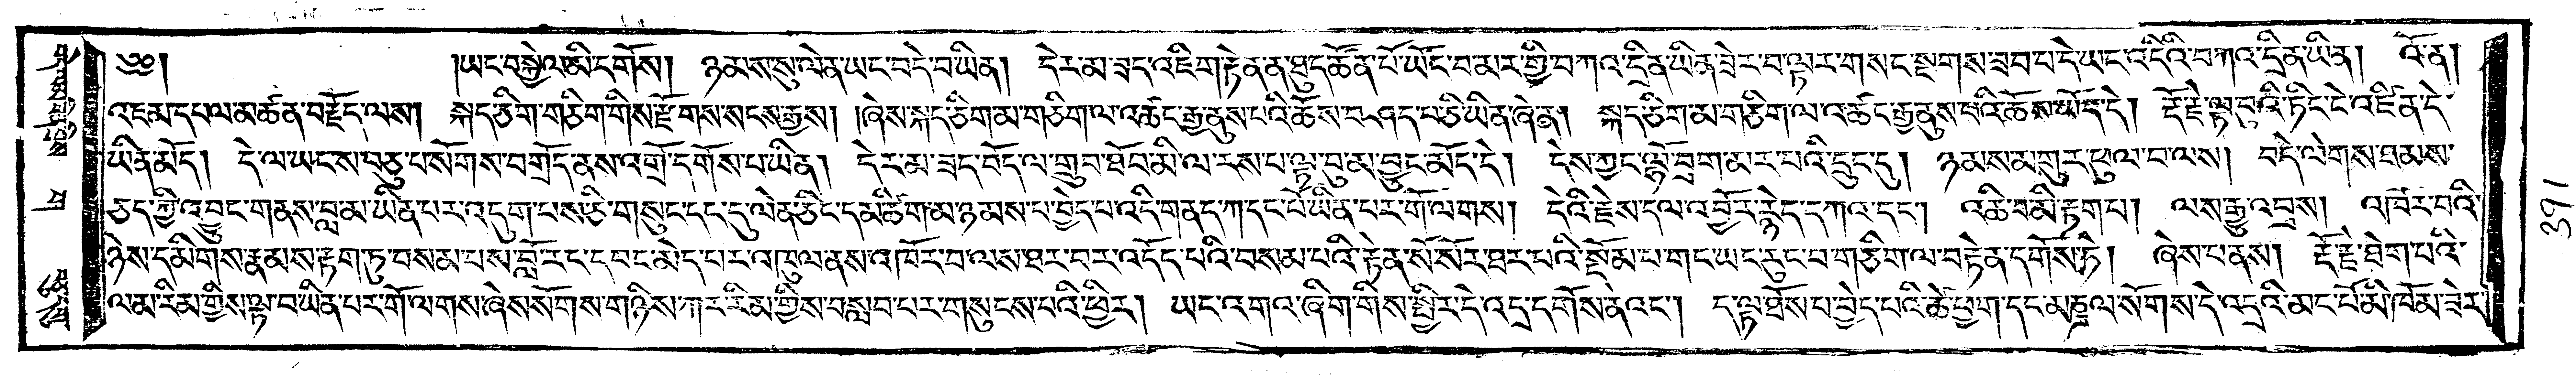༄༅། །ཡང་བསྐྱེལ་མི་དགོས། ཉམས་སུ་ལེན་ཡང་བདེ་བ་ཡིན། དེར་མ་ཟད་འཇིག་རྟེན་ན་ཐུད་ཚོན་པོ་ཡོང་བ་མར་གྱི་བཀའ་དྲིན་ཡིན་ཟེར་བ་ལྟར་གསང་སྤགས་ཟབ་བ་དེ་ཡང་འདིའི་བཀའ་དྲིན་ཡིན། འོ་ན།
འཇམ་དཔལ་མཚན་བརྗོད་ལས། སྐད་ཅིག་གཅིག་གིས་རྫོགས་སངས་རྒྱས། །ཞེས་སྐད་ཅིག་མ་གཅིག་ལ་འཚང་རྒྱ་ནུས་པའི་ཆོས་བཤད་པ་ཅི་ཡིན་ཞེ་ན། སྐད་ཅིག་མ་གཅིག་ལ་འཚང་རྒྱ་ནུས་པའི་ཆོས་ཡོད་དེ། རྡོ་རྗེ་ལྟ་བུའི་ཏིང་ངེ་འཛིན་དེ་
ཡིན་མོད། དེ་ལ་ཡང་ས་བཅུ་པ་སོགས་འགྲོད་ནས་འགྲོ་དགོས་པ་ཡིན། དེར་མ་ཟད་བོད་ལ་གྲུབ་ཐོབ་མི་ལ་རས་པ་ལྟ་བུ་མ་བྱུང་མོད་དེ། དེས་ཀྱང་ལྷོ་བྲག་མར་པའི་དྲུང་དུ། ཉམས་མགུར་ཕུལ་བ་ལས། བདེ་ལེགས་ཐམས་
ཅད་ཀྱི་འབྱུང་གནས་བླ་མ་ཡིན་པར་འདུག་པས་ཅི་གསུང་དང་དུ་ལེན་ཅིང་དམ་ཚིག་མ་ཉམས་པ་བྱེད་པ་འདི་གནད་ཀ་དང་པོ་ཡིན་ང་ར་གོ་ལགས། དེའི་རྗེས་དལ་འབྱོར་རྙེད་དཀའ་དང་། འཆི་བ་མི་རྟག་པ། ལས་རྒྱུ་འབྲས། འཁོར་བའི་
ཉེས་དམིགས་རྣམས་རྟག་ཏུ་བསམ་བས་བློ་རང་དབང་མེད་པར་འཁུལ་ནས་འཁོར་བ་ལས་ཐར་བར་འདོད་པའི་བསམ་པའི་རྟེན་སོ་སོར་ཐར་པའི་སྡོམ་པ་གང་ཡང་རུང་བ་གཅིག་ལ་བརྟེན་དགོས་ཏེ། ཞེས་པ་ནས། རྡོ་རྗེ་ཐེག་བའི་
ལམ་རིམ་གྱིས་ལྟ་བ་ཡིན་པར་གོ་ལགས་ཞེས་སོགས་གཉིས་ཀར་རིམ་གྱིས་བསླབ་པར་གསུངས་པའི་ཕྱིར། ཡང་འགའ་ཞིག་གིས་སྤྱིར་དེ་འདྲ་དགོས་ནའང་། ད་ལྟ་ཐོས་པ་བྱེད་པའི་ཚེ་ཕྱག་དང་མཎྜལ་སོགས་དེ་འདྲའི་མང་པོ་མི་ཁོམ་ཟེར་